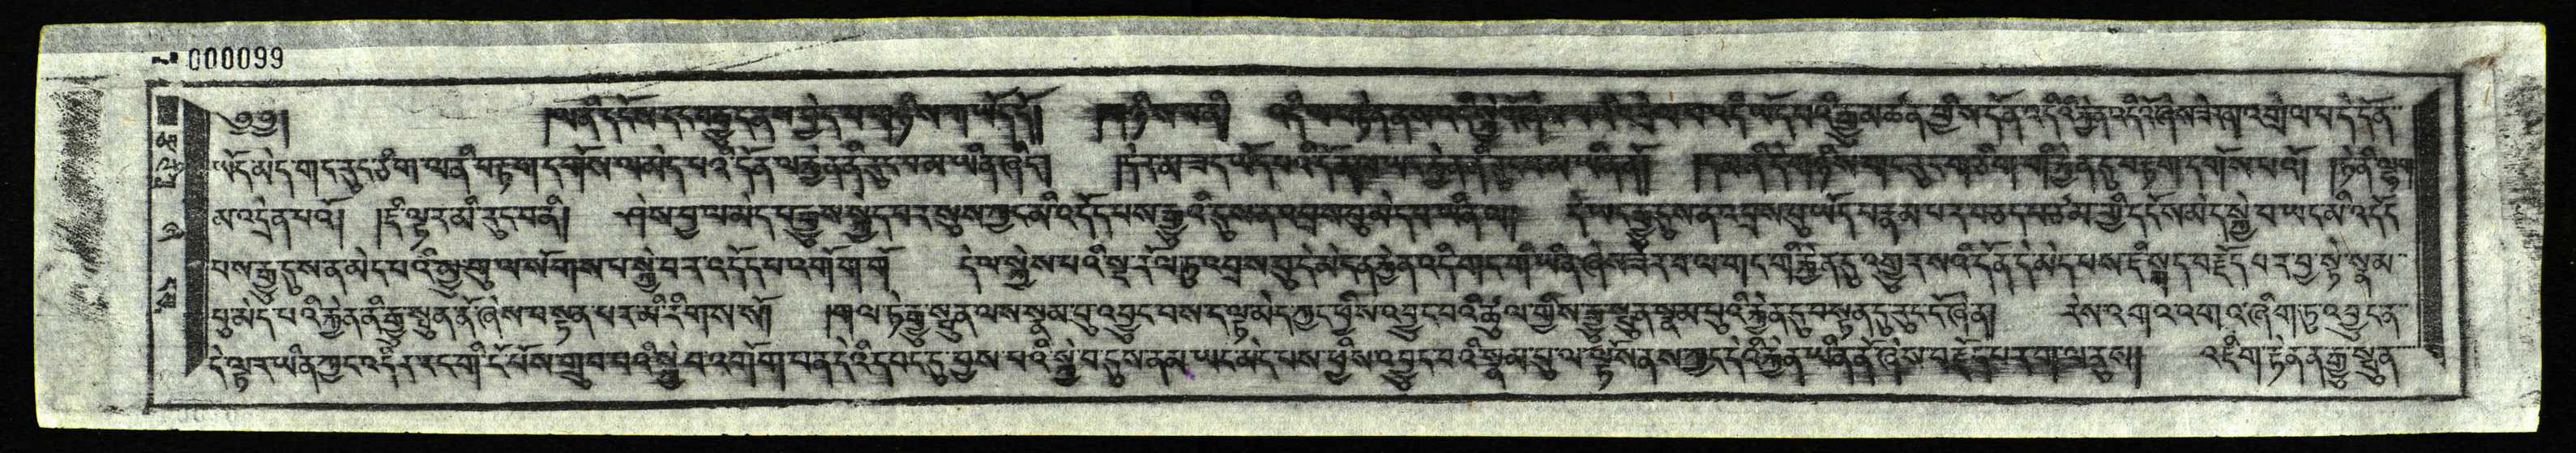༄༅། །ལ་ནི་དངོས་དང་བརྒྱུད་ནས་བྱེད་པ་གཉིས་ཀ་ཡོད་དོ། །གཉིས་པ་ནི། འདི་ལ་བརྟེན་ནས་འདི་སྐྱེའོ་ཞེས་པའི་འགྲེལ་པ་འདི་ཡོད་པའི་རྒྱུ་མཚན་གྱིས་དོན་འདིའི་རྐྱེན་འདིའོ་ཞེས་ཟེར་ན། འགྲེལ་པ་དེ་དོན་
ཡོད་མེད་གང་རུང་ཅིག་ལ་ནི་བརྟག་དགོས་ལ་མེད་པའི་དོན་ལ་རྐྱེན་ནི་རུང་བ་མ་ཡིན་ཞིང་། །དེར་མ་ཟད་ཡོད་པའི་དོན་ལ་ཡང་རྐྱེན་ནི་རུང་བ་མ་ཡིན་ནོ། །དམ་ནི་དེ་གཉིས་གང་རུང་གཅིག་གི་རྐྱེན་དུ་བརྟག་དགོས་པའོ། །ཏེ་ནི་ལྷག་
མ་འདྲེན་པའོ། །ཇི་ལྟར་མི་རུང་བ་ནི། ཤེས་བྱ་ལ་མེད་པ་རྒྱུས་སྐྱེད་པར་སུས་ཀྱང་མི་འདོད་པས་རྒྱུའི་དུས་ན་འབྲས་བུ་མེད་པ་ཡིན་ལ། དེ་ཡང་རྒྱུ་དུས་ན་འབྲས་བུ་ཡོད་པ་རྣམ་པར་བཅད་པ་ཙམ་གྱི་དངོས་མེད་སྐྱེ་བ་ཡང་མི་འདོད་
པས་རྒྱུ་དུས་ན་མེད་པའི་མྱུ་གུ་ལ་སོགས་པ་སྐྱེ་བར་འདོད་པ་འགོག་གོ་དེ་ལ་སྐྱེས་པའི་སྔ་རོལ་ཏུ་འབྲས་བུ་དེ་མེད་ན་རྐྱེན་འདི་གང་གི་ཡིན་ཞེས་ཟེར་བ་ལ་གང་གི་རྐྱེན་དུ་འགྱུར་སའི་དོན་དེ་མེད་པས་ཇི་སྐད་བརྗོད་པར་བྱ་སྟེ་སྣམ་
བུ་མེད་པའི་རྐྱེན་ནི་རྒྱུ་སྤུན་ནོ་ཞེས་བསྟན་པར་མི་རིགས་སོ། །གལ་ཏེ་རྒྱུ་སྤུན་ལས་སྣམ་བུ་འབྱུང་བས་ད་ལྟ་མེད་ཀྱང་ཕྱིས་འབྱུང་བའི་ཚུལ་གྱིས་རྒྱུ་སྤུན་སྣམ་བུའི་རྐྱེན་དུ་བསྟན་དུ་རུང་ངོ་ཞེ་ན། རེས་འགའ་འགའ་ཞིག་ཏུ་འབྱུང་ན་
དེ་ལྟར་ཡིན་ཀྱང་འདིར་རང་གི་ངོ་པོས་གྲུབ་པའི་སྐྱེ་བ་འགོག་པ་ན་དེའི་དབང་དུ་བྱས་པའི་སྐྱེ་བ་དུས་ནམ་ཡང་མེད་པས་ཕྱིས་འབྱུང་བའི་སྣམ་བུ་ལ་ལྟོས་ནས་ཀྱང་དེའི་རྐྱེན་ཡིན་ནོ་ཞེས་བརྗོད་པར་ག་ལ་ནུས། འཇིག་རྟེན་ན་རྒྱུ་སྤུན་